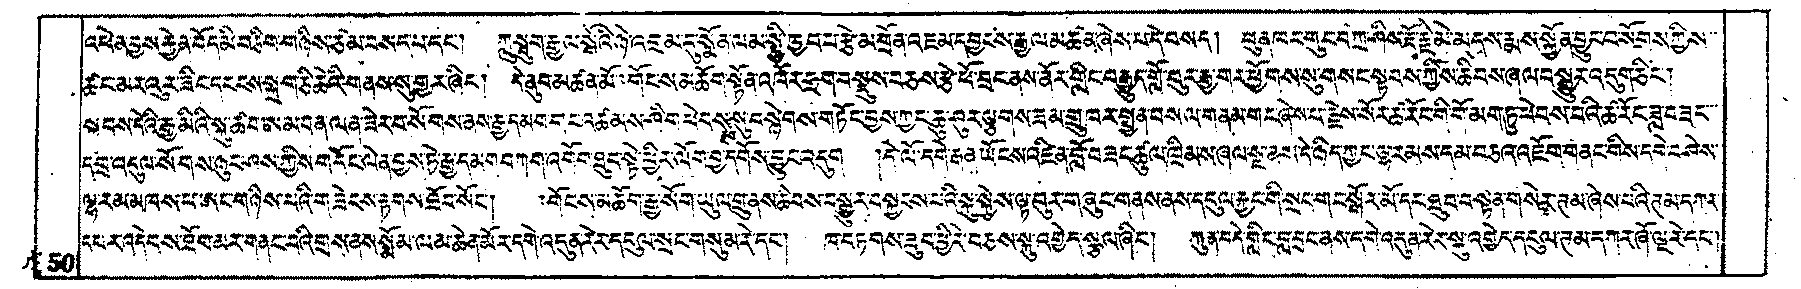འཕེན་བྱས་རྐྱེན་བོད་མི་གཅིག་གཉིས་ཙམ་བསད་པ་དང་། ཀླུ་སྦུག་རྒྱལ་སྒོའི་ཉེ་འགྲམ་དུ་སྨོན་ལམ་སྤྱི་ཁྱབ་པ་རྩེ་མགྲོན་འཇམ་དབྱངས་རྒྱལ་མཚན་ཞེས་པ་དེ་བསད། ཕུན་ཁང་གུང་བཀྲ་ཤིས་རྡོ་རྗེ་མེ་མདས་རྨས་སྐྱོན་བྱུང་བ་སོགས་ཀྱིས་
ཚང་མར་འུར་ཟིང་དངངས་སྐྲག་ཅི་ཆེའི་གནས་སུ་གྱར་ཞིང་། དེ་ནུབ་མཚན་མོ ༧གོང་ས་མཆོག་སྟོན་འཁོར་ཧྲག་བསྡུས་བཅས་རྩེ་ཕོ་བྲང་ནས་ནོར་གླིང་བརྒྱུད་གློ་བུར་རྒྱ་གར་ཕྱོགས་སུ་གསང་སྟབས་ཀྱིས་ཆིབས་ཞལ་བསྒྱུར་འདུག་ཅིང་།
སྐབས་དེའི་རྒྱ་མིའི་སྐུ་ཚབ་ཨམ་བན་ལན་ཟེར་བ་སོགས་ནས་རྒྱ་དམག་གང་འཚམས་ཤིག་ཕེབས་རྗེས་སུ་བསྙེགས་གཏོང་བྱས་ཀྱང་ཆུ་ཤུར་ལྕགས་ཟམ་གྲུ་ཁར་སྤྱན་བསལ་གནམ་གང་ཞེས་པ་རྗེས་སོར་ཚ་རོང་གི་གོ་མག་ཏུ་ཕེབས་པའི་ཚ་རོང་ཟླ་བཟང་
དགྲ་འདུལ་སོགས་ཉུང་ཤས་ཀྱིས་གདོང་ལེན་བྱས་ཏེ་རྒྱ་དམག་བཀག་འགོག་ཐུབ་སྟེ་ཕྱིར་ལོག་བྱ་དགོས་བྱུང་འདུག །དེ་ལོ་དགེ་རྒན་ཡོངས་འཛིན་བློ་བཟང་ཚུལ་ཁྲིམས་ཞལ་སྔ་ནས་དེ་ཉིད་ཀྱང་ལྷ་རམས་དམ་བཅའ་འཇོག་གནང་གིས་དགེ་བཤེས་
ལྷ་རམ་མཁས་པ་ཨང་གཉིས་པའི་གཟེངས་རྟགས་ཐོབ་སོང་། ༧གོང་ས་མཆོག་རྒྱ་སོག་ཡུལ་གྲུ་ནས་ཆིབས་བསྒྱུར་བསྐྱངས་པའི་སྐུ་སྐྱེས་ལྟ་བུར་གཞུང་གནས་ནས་དངུལ་རྐྱང་གི་སྲང་གང་སྒོར་མོ་དང་ཐུབ་བསྟན་གསེར་ཊམ་ཞེས་པའི་ཊམ་དཀར་
དཔར་འདེབས་ཐོག་མར་གནང་བའི་གྲས་ནས་སྨོམ་ལམ་ཆེན་མོར་དགེ་འདུན་རེར་དངུལ་སྲང་གསུམ་རེ་དང་། ཁ་བཏགས་ཟུབ་ཕྱི་རེ་བཅས་སྐུ་འགྱེད་སྩལ་ཞིང་། ཀུན་བདེ་གླིང་བླ་བྲང་ནས་དགེ་འདུན་རེར་སྐུ་འགྱེད་དངུལ་ཊམ་དཀར་ཞོ་ལྔ་རེ་དང་།